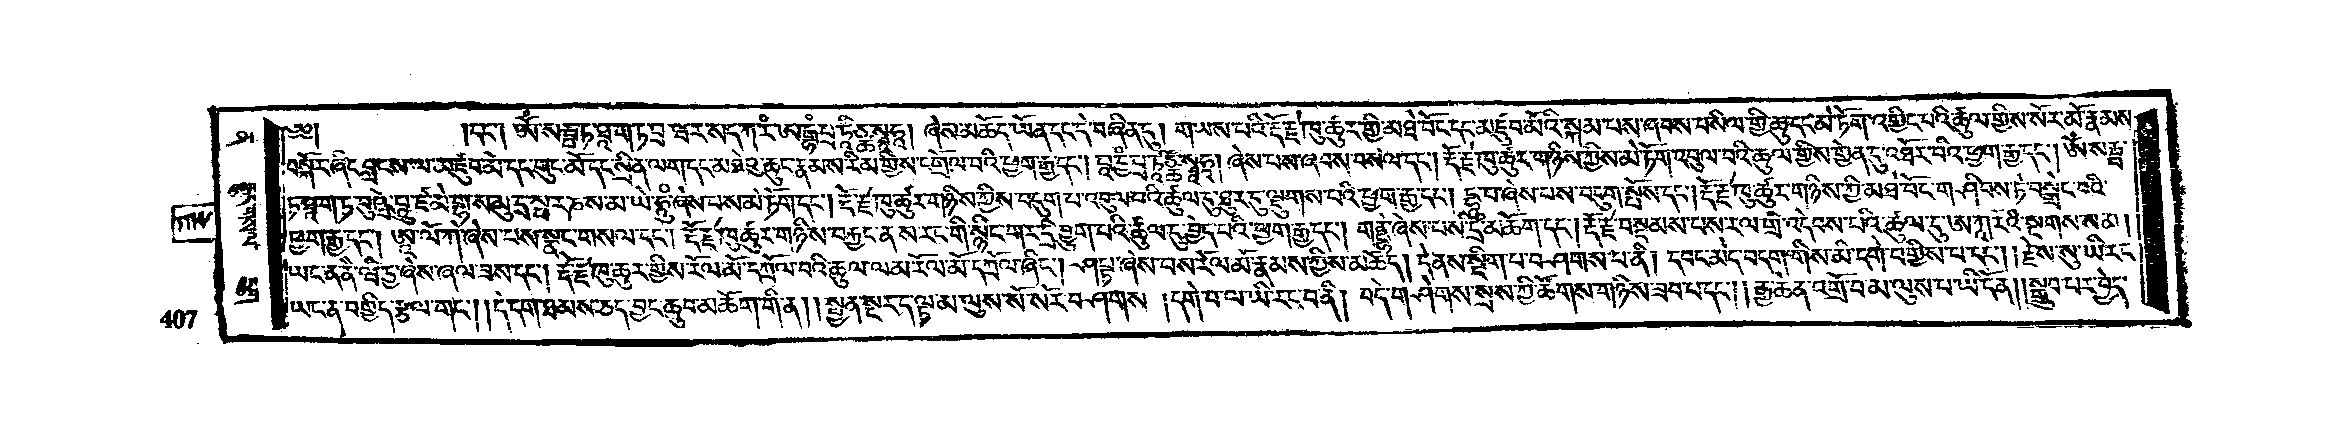༄༅། །དང་། ཨོཾ་སརྦྦ་ཏ་ཐཱ་ག་ཏ་པྲ་ཝར་སད་ཀ་རཾ་ཨརྒྷཾ་པྲ་ཏཱི་ཙྪ་སྭཱཧཱ། ཞེས་མཆོད་ཡོན་དང་དེ་བཞིན་དུ། གཡས་པའི་རྡོ་རྗེ་ཁུ་ཚུར་གྱི་མཐེ་བོང་དང་མཛུབ་མོའི་སྐམ་པས་ཞབས་བསིལ་གྱི་ཆུ་དང་མེ་ཏོག་འགྱིང་པའི་ཚུལ་གྱིས་སོར་མོ་རྣམས་
བསྐོར་ཞིང་བླངས་ལ་མཛུབ་མོ་དང་གུང་མོ་དང་སྲིན་ལག་དང་མཐེའུ་ཆུང་རྣམས་རིམ་གྱིས་དགྲོལ་བའི་ཕྱག་རྒྱ་དང་། པཱ་དྱཾ་ཏཱ་ཙྪ་སྭཱ་ཧཱ། ཞེས་པས་ཞབས་བསེལ་དང་། རྡོ་རྗེ་ཁུ་ཚུར་གཉིས་ཀྱིས་མེ་ཏོག་འབུལ་བའི་ཚུལ་གྱིས་གྱེན་དུ་འཐོར་བའི་ཕྱག་རྒྱ་དང་། ཨོཾ་སརྦྦ་
ཏ་ཐཱ་ག་ཏ་པུཥྤེ་པཱུ་ཛ་མེ་གྷ་ས་མུ་དྲ་སྤ་ར་ཎ་ས་མ་ཡེ་ཧཱུཾ་ཞེས་པས་མེ་ཏོག་དང་། རྡོ་རྗེ་ཁུ་ཚུར་གཉིས་ཀྱིས་བདུག་པ་འབུལ་བའི་ཚུལ་དུ་ཐུར་དུ་ལྡུགས་པའི་ཕྱག་རྒྱ་དང་། དྷཱུ་པ་ཞེས་པས་བདུག་སྤོས་དང་། རྡོ་རྗེ་ཁུ་ཚུར་གཉིས་ཀྱི་མཐེ་བོང་གཤིབས་ཏེ་བསྒྲེང་བའི་
ཕྱག་རྒྱ་དང་། ཨཱ་ལོ་ཀེ་ཞེས་པས་སྣང་གསལ་དང་། རྡོ་རྗེ་ཁུ་ཚུར་གཉིས་བརྐྱང་ནས་རང་གི་སྙིང་གར་དྲི་བྱུག་པའི་ཚུལ་དུ་བྱེད་པའི་ཕྱག་རྒྱ་དང་། གནྡྷེ་ཞེས་པས་དྲི་མཆོག་དང་། རྡོ་རྗེ་བསྡམས་པས་རལ་གྲི་འདེབས་པའི་ཚུལ་དུ་ཨ་ཀཱ་རོའི་སྔགས་སམ།
ཡང་ན་ནཻ་ཝི་དྱ་ཞེས་ཞལ་ཟས་དང་། རྡོ་རྗེ་ཁུ་ཚུར་གྱིས་རོལ་མོ་དཀྲོལ་བའི་ཚུལ་ལམ་རོལ་མོ་དཀྲོལ་ཞིང་། ཤཔྟ་ཞེས་པས་རོལ་མོ་རྣམས་ཀྱིས་མཆོད། དེ་ནས་སྡིག་པ་བཤགས་པ་ནི། དབང་མེད་བདག་གིས་མི་དགེ་བགྱིས་པ་དང་། །རྗེས་སུ་ཡི་རང་
ཡང་ན་བགྱིད་རྩལ་གང་། །དེ་དག་ཐམས་ཅད་བྱང་ཆུབ་མཆོག་གི་ན། །སྤྱན་སྔར་ད་ལྟ་མ་ལུས་སོ་སོར་བཤགས། དགེ་བ་ལ་ཡི་རང་བ་ནི། བདེ་གཤེགས་སྲས་ཀྱི་ཚོགས་གཉིས་ཟབ་པ་དང་། །རྒྱ་ཆེན་འགྲོ་བ་མ་ལུས་པ་ཡི་དོན། །སྒྲུབ་པར་བྱེད་